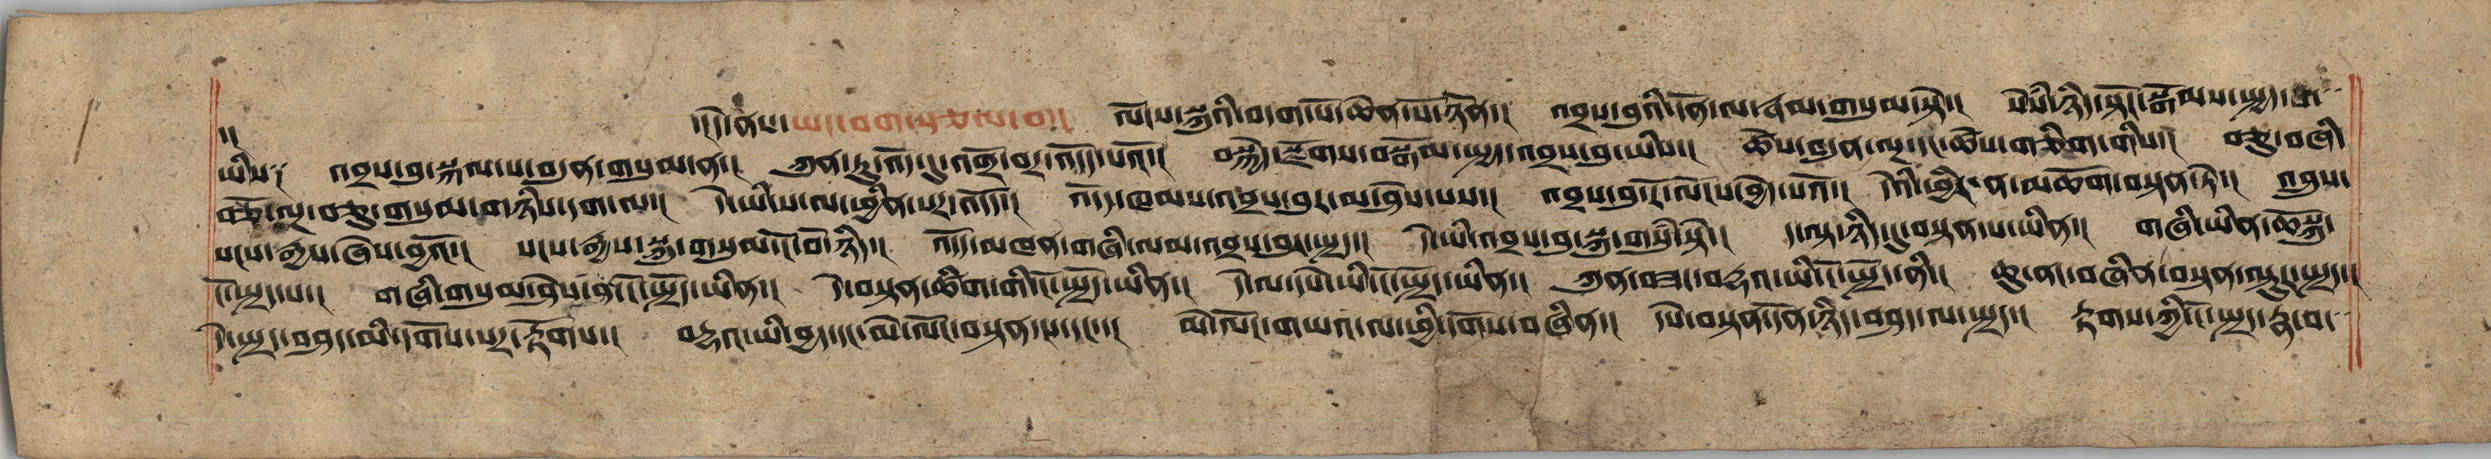་།དེ་ནས་ཡང་བག་སྩལ་བ།།། ལོངས་སྐུའི་བདག་པོ་ཆེན་པོ་ཉོན་། འབྲས་བུའི་དོན་ལ་རྣམ་གསུམ་སྟེ་། སེཾས་ཉིད་སྟོང་སྒོམས་སྤྱད་
ཡིས༑ འབྲས་བུ་སྐལ་པ་བདུན་གསུམ་ན་། ཀུན་ཏུ་འོད་དུ་འགྲོ་བར་འདོད་པའོ་། བསྐྱེད་སྫོགས་བསྒོམ་སྤྱད་འབྲས་བུ་ཡིས་། ཚེས་བདུན་ལྔ་དང་ཚེས་གཅིག་གིས་། བཅུ་བཞི་
བཅོ་ལྔ་བཅུ་གསུམ་གཉིས་དག་ལ་། དེ་ཡི་ས་ལ་ཕྱིན་པར་འདོད་། འདོད་ཁམས་འབྲས་བུར་མ་ཤེས་པས་། འབྲས་བུ་རོ་ལོངས་བྱེད་པའོ་། དེའི་ཕྱིར་ན་མཆོག་བསྟན་ཏེ་། འབྲུས་
སངས་རྒྱས་ཞེས་བྱའོ་། སངས་རྒྱས་སྐུ་གསུམ་ངོ་བོ་ཉིད་། འདོད་མཁན་གཞི་ལམ་འབྲས་བུར་སྤྱད་། དེ་ཡི་འབྲས་བུ་སྐུ་གསུཾ་སྟེ་། ད་ལྟ་ཉིད་དུ་བསྟན་པ་ཡིན་། གཞི་ཡིན་ཆོསྐུ་
ངོ་སྤྲད་པ་། གཞི་གསུམ་ཤེས་ན་ངོ་སྤྲོད་ཡིན་། དེ་བསྟན་ཚིག་གི་ངོ་སྤྲོད་ཡིན་། དེ་ལ་དཔེ་ཡི་ངོ་སྤྲོད་ཡིན་། ཀུན་བཟང་བདྷའ་ཡི་ངོ་སྤྲོད་ནི་། ཆུ་ནང་བཞིན་བསྟན་ལྟུར་སྤྲད་།
དེ་སྤྲད་བཤད་མི་དགོས་པར་རྟོགས་། བརྡའ་ཡི་བྱད་དང་མེ་ལོང་བསྟན་པ་དང་་། མེ་ལོང་གཡའ་ལ་ཕྱི་དགོས་བཞིན་། དཔེ་བསྟན་དོན་ཉིད་བཤད་ལ་སྤྲད་། རྟགས་ཀྱི་ངོ་སྤྲད་རྣ་བ་